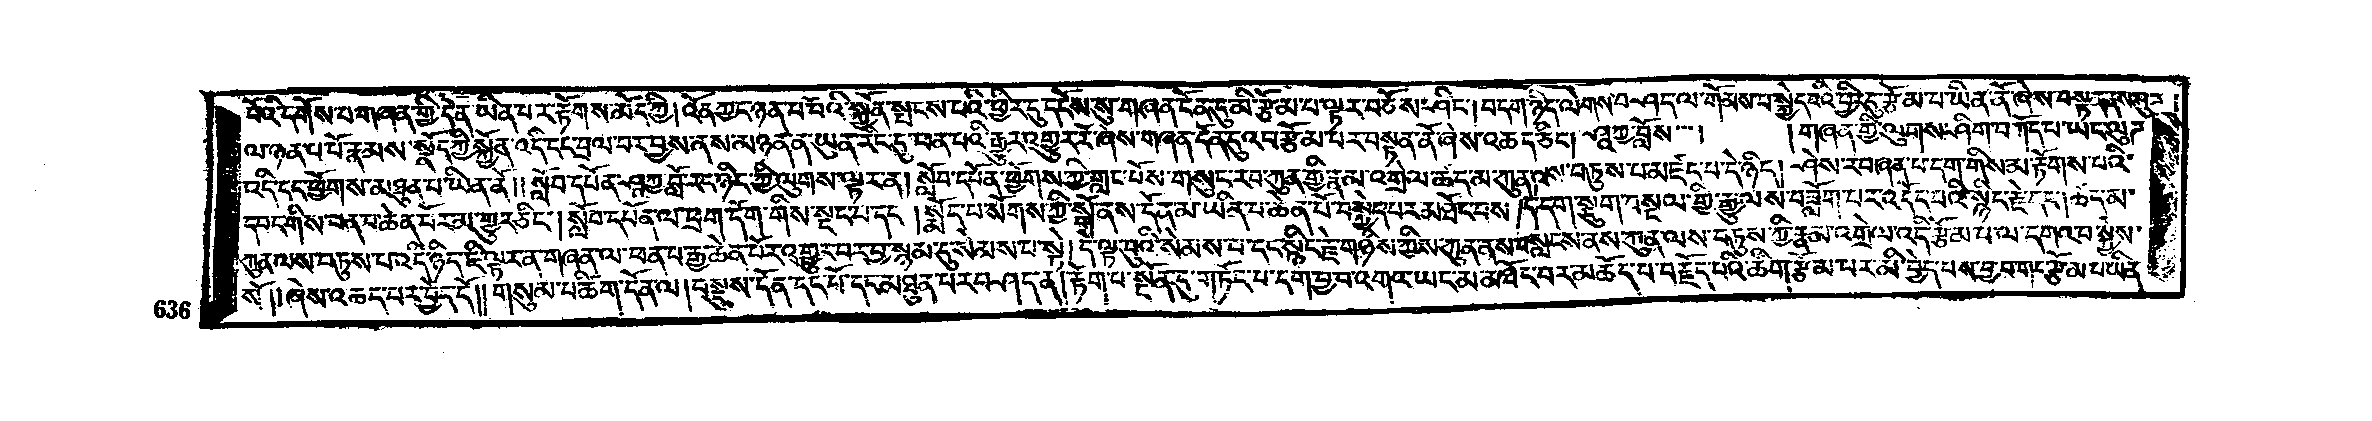བོའི་དགོས་པ་གཞན་གྱི་དོན་ཡིན་པར་རྟོགས་མོད་ཀྱི། འོན་ཀྱང་ཉན་པ་པོའི་སྐྱོན་སྤངས་པའི་ཕྱིར་དུ་དངོས་སུ་གཞན་དོན་དུ་མི་རྩོམ་པ་ལྟར་བཅོས་ཤིང་། བདག་ཉིད་ལེགས་བཤད་ལ་གོམས་པ་སྐྱེད་པའི་ཕྱིར་དུ་རྩོམ་པ་ཡིན་ནོ་ཞེས་བསྟན་ནས་ཤུགས་
ལ་ཉན་པ་པོ་རྣམས་སྣོད་ཀྱི་སྐྱོན་འདི་དང་བྲལ་བར་བྱས་ནས་མཉན་ན་ཡུན་རིང་དུ་ཕན་པའི་རྒྱུར་འགྱུར་རོ་ཞེས་གཞན་དོན་དུའང་རྩོམ་པར་བསྟན་ནོ་ཞེས་འྕཧད་ཅིང་། ཤྰྐྱ་བློས། གཞན་གྱི་ལུགས་ཤིག་བཀོད་པ་ཡང་ལུགས་
འདི་དང་ཕྱོགས་མཐུན་པ་ཡིན་ནོ། ། སློབ་དཔོན་ཤྰྐྱ་བློ་རང་ཉིད་ཀྱི་ལུགས་ལྟར་ན། སློབ་དཔོན་ཕྱོགས་ཀྱི་གླང་པོས་གསུང་རབ་ཀུན་གྱི་རྣམ་འགྲེལ་ཚད་ན་ཀུན་ལས་བཏུས་པ་མཛད་པ་དེ་ཉིད། ཤེས་རབ་བཞན་པ་དག་གིས་མ་རྟོགས་པའི་དབང་གིས་ཕན་པ་ཆེན་པོར་མ་གྱུར་ཅིང་། སློབ་དཔོན་ལ་ཕྲག་དོག་གིས་སྡང་བ་དང་། སྨོད་པ་སོགས་ཀྱི་སྒོ་ནས་དོན་མ་ཡིན་པ་ཆེན་པོ་བསྐྱེད་པར་མཐོང་བས། དེ་དག་སྡུག་བསྔལ་གྱི་རྒྱུ་ལས་བཟློག་པར་འདོད་པའི་སྙིང་རྗེ་དང་། ཚད་མ་
ཀུན་ལས་བཏུས་པ་འདི་ཉིད་ཇི་ལྟར་ན་གཞན་ལ་ཕན་པ་རྒྱ་ཆེན་པོར་འགྱུར་བར་བྱ་སྙམ་དུ་སེམས་པ་སྟེ། དེ་ལྟ་བུའི་སེམས་པ་དང་སྙིང་རྗེ་གཉིས་ཀུན་ནས་བསླངས་ནས་ཀུན་ལས་བཏུས་ཀྱི་རྣམ་འགྲེལ་འདི་རྩོམ་པ་ལ་དགའ་བ་སྐྱེས་
སོ། །ཞེས་འཆད་པར་བྱེད་དོ། །གསུམ་པ་ཚིག་དོན་ལ། བསྡུས་དོན་དང་པོ་དང་མཐུན་པར་བཤད་ན། རྟོག་པ་སྔོན་དུ་གཏོང་པ་དག་བྱ་བ་འགའ་ཡང་མ་མཐོང་བར་མཆོད་པ་བརྗོད་པའི་ཚིག་རྩོམ་པར་མི་བྱེད་པས་བྱ་བ་གང་རྩོམ་པ་ཡིན་